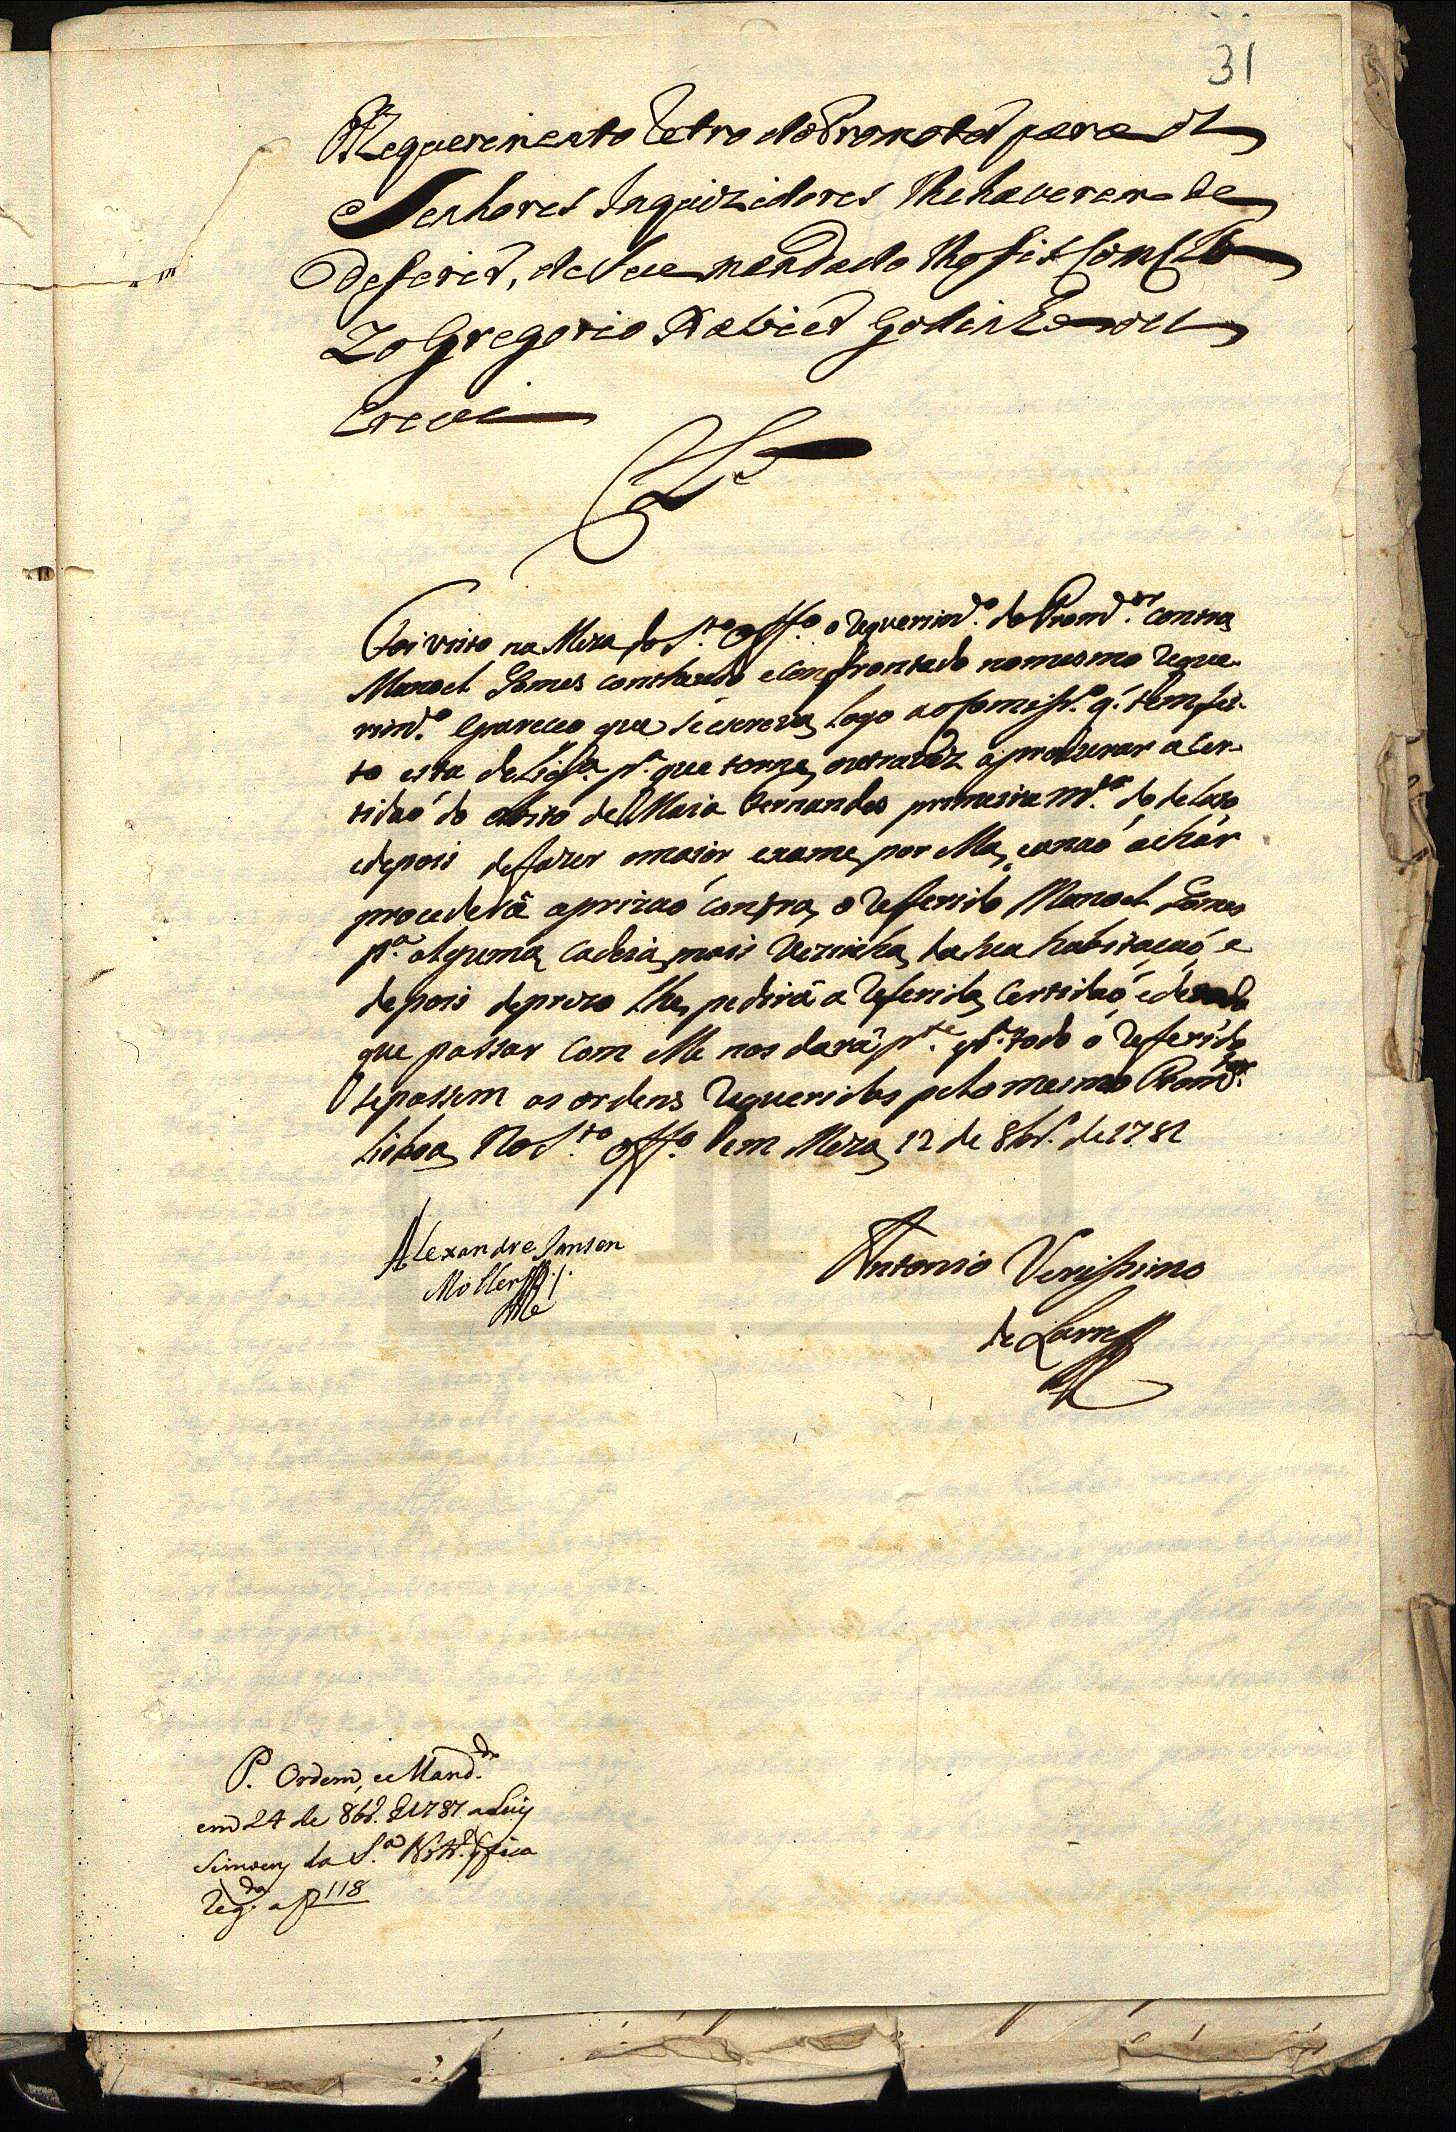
O Requerimento Retro do Promotor para os
Senhores Inquizidores lhe haverem de
deferir, de Seu mandado lho fiz ComClu
Zo Gregorio Xavier Godinho o es
crevi
Foi visto na Meza do S.to off.o o Requerim.to do Prom.tor contra
Manoel Gomes contheudo, e confrontado no mesmo Reque
rim.to e pareceo que se escreva logo ao Comisr.o q̄ tem fei
to esta delig.a p.a que torne outra vez a procurar a cer
tidaõ do obito de Maia Fernandes primeira m.er do delato,
e depois de fazer o maior exame por ella, e o naõ achar
procederá a prizaõ contra o Referido Manoel Gomes
p.a alguma cadeia mais vezinha da sua habitaçaõ, e
depois de prezo lhe pedirá a Referida certidaõ, e de modo
que passar com elle nos dará p.te p.a todo o Referido
se passem as ordens Requeridas pelo mesmo Prom.tor
Lisboa no S.to off.o em Meza 12 de 8br.o de 1781
Alexandre Iansen
Moller
Antonio Verissimo
de Larre
P. Ordem, e Mand.do
em 24 de 8br.o d̄ 1787 a Luis
Simoens da S.a Notr.o q̄ fica
Reg.da a f 118
